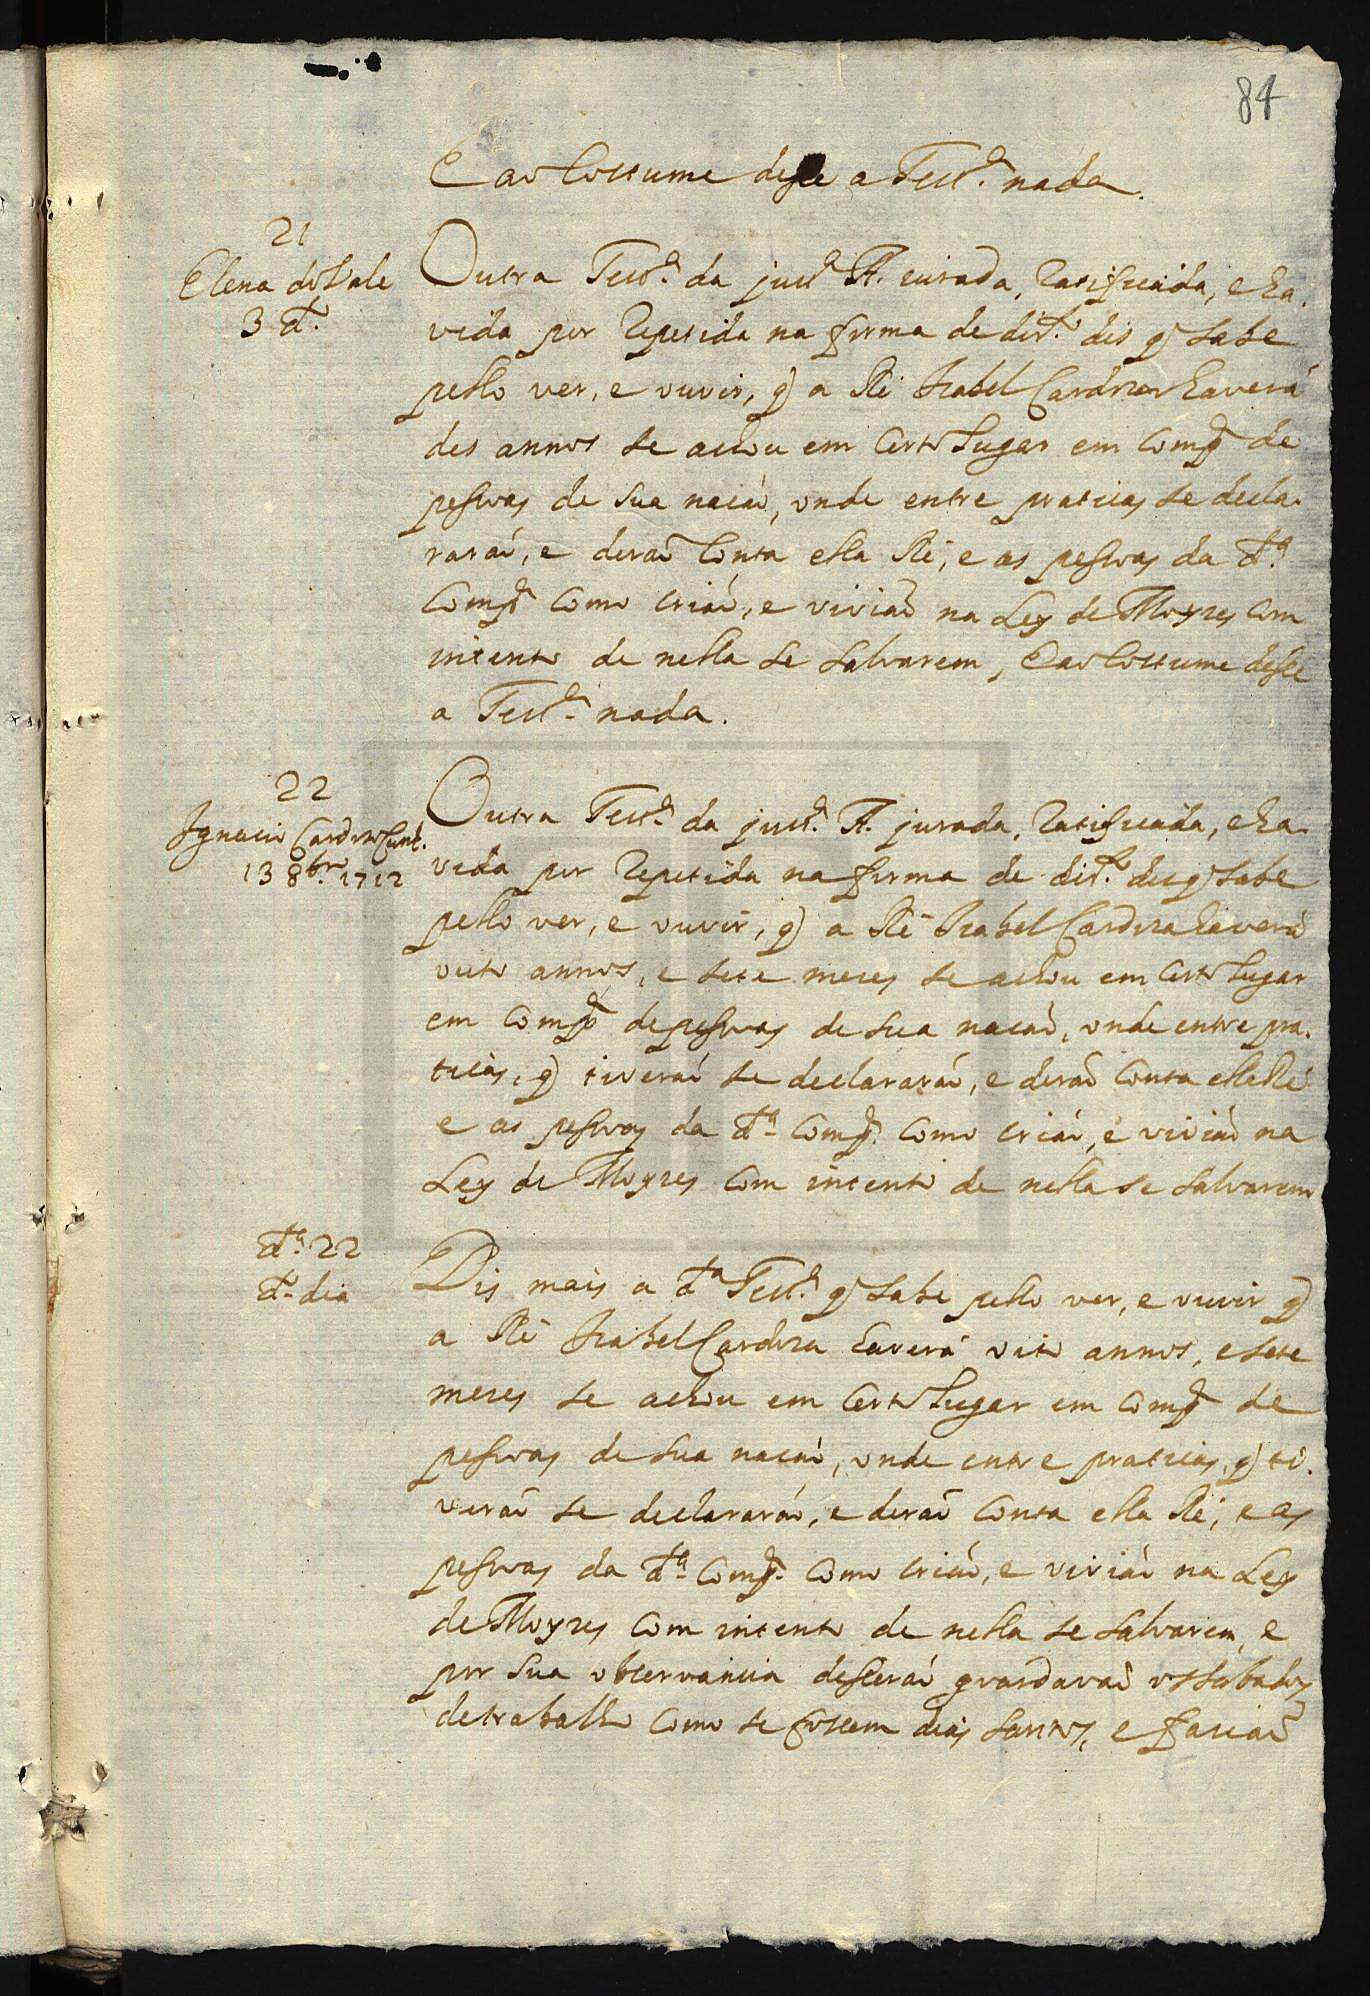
E ao Costume disse a Test.a nada
21
Elena do Vale
3 d̄.
Outra Test.a da just.a A. iurada, Ratificada, e ha
vida per Repetida na forma de dirt.o dis q̄ sabe
pello uer, e ouvir, q̄ a Ré Izabel Cardoza haverá
des annos se achou em certo Lugar em comp.a de
pessoas de sua naçaõ, onde entre praticas se decla
raraõ, e deraõ Conta ella Ré, e as pessoas da d̄.a
Comp.a como criaõ, e viviaõ na Ley de Moyzes com
intento de nella se salvarem, E ao Costume disse
a Test.a nada.
22
Jgnacio Cardozo Cunh.
13 8.bro 1712
Outra Test.a da just.a A. jurada, Ratificada, e ha
vida per Repetida na forma de dir.to dis q̄ sabe
pello ver, e ouvir, q̄ a Ré Izabel Cardoza haverá
outo annos, e sete mezes se achou em certo Lugar
em comp.a de pessoas de sua naçaõ, onde entre pra
ticas, q̄ tiveraõ se declararaõ, e deraõ Conta elle Re
e as pessoas da d̄a comp.a como criaõ, e viviaõ na
Ley de Moyzes com intento de nella se salvarem
d̄.a 22
d̄. dia
Dis mais a d̄a Test.a q̄ sabe pello ver, e ouvir q̄
a Ré Izabel Cardoza haverá oito annos, e sete
mezes se achou em Certo Lugar em compa de
pessoas de sua naçaõ, onde entre praticas q̄ ti
veraõ se declararaõ, e deraõ Conta ella Ré, e as
pessoas da d̄.a Comp.a como criaõ, e viviaõ na Ley
de Moyzes com intento de nella se salvarem, e
por sua observancia disseraõ guardavaõ os sabados
de trabalho Como se fossem dias santos, e faziaõ
